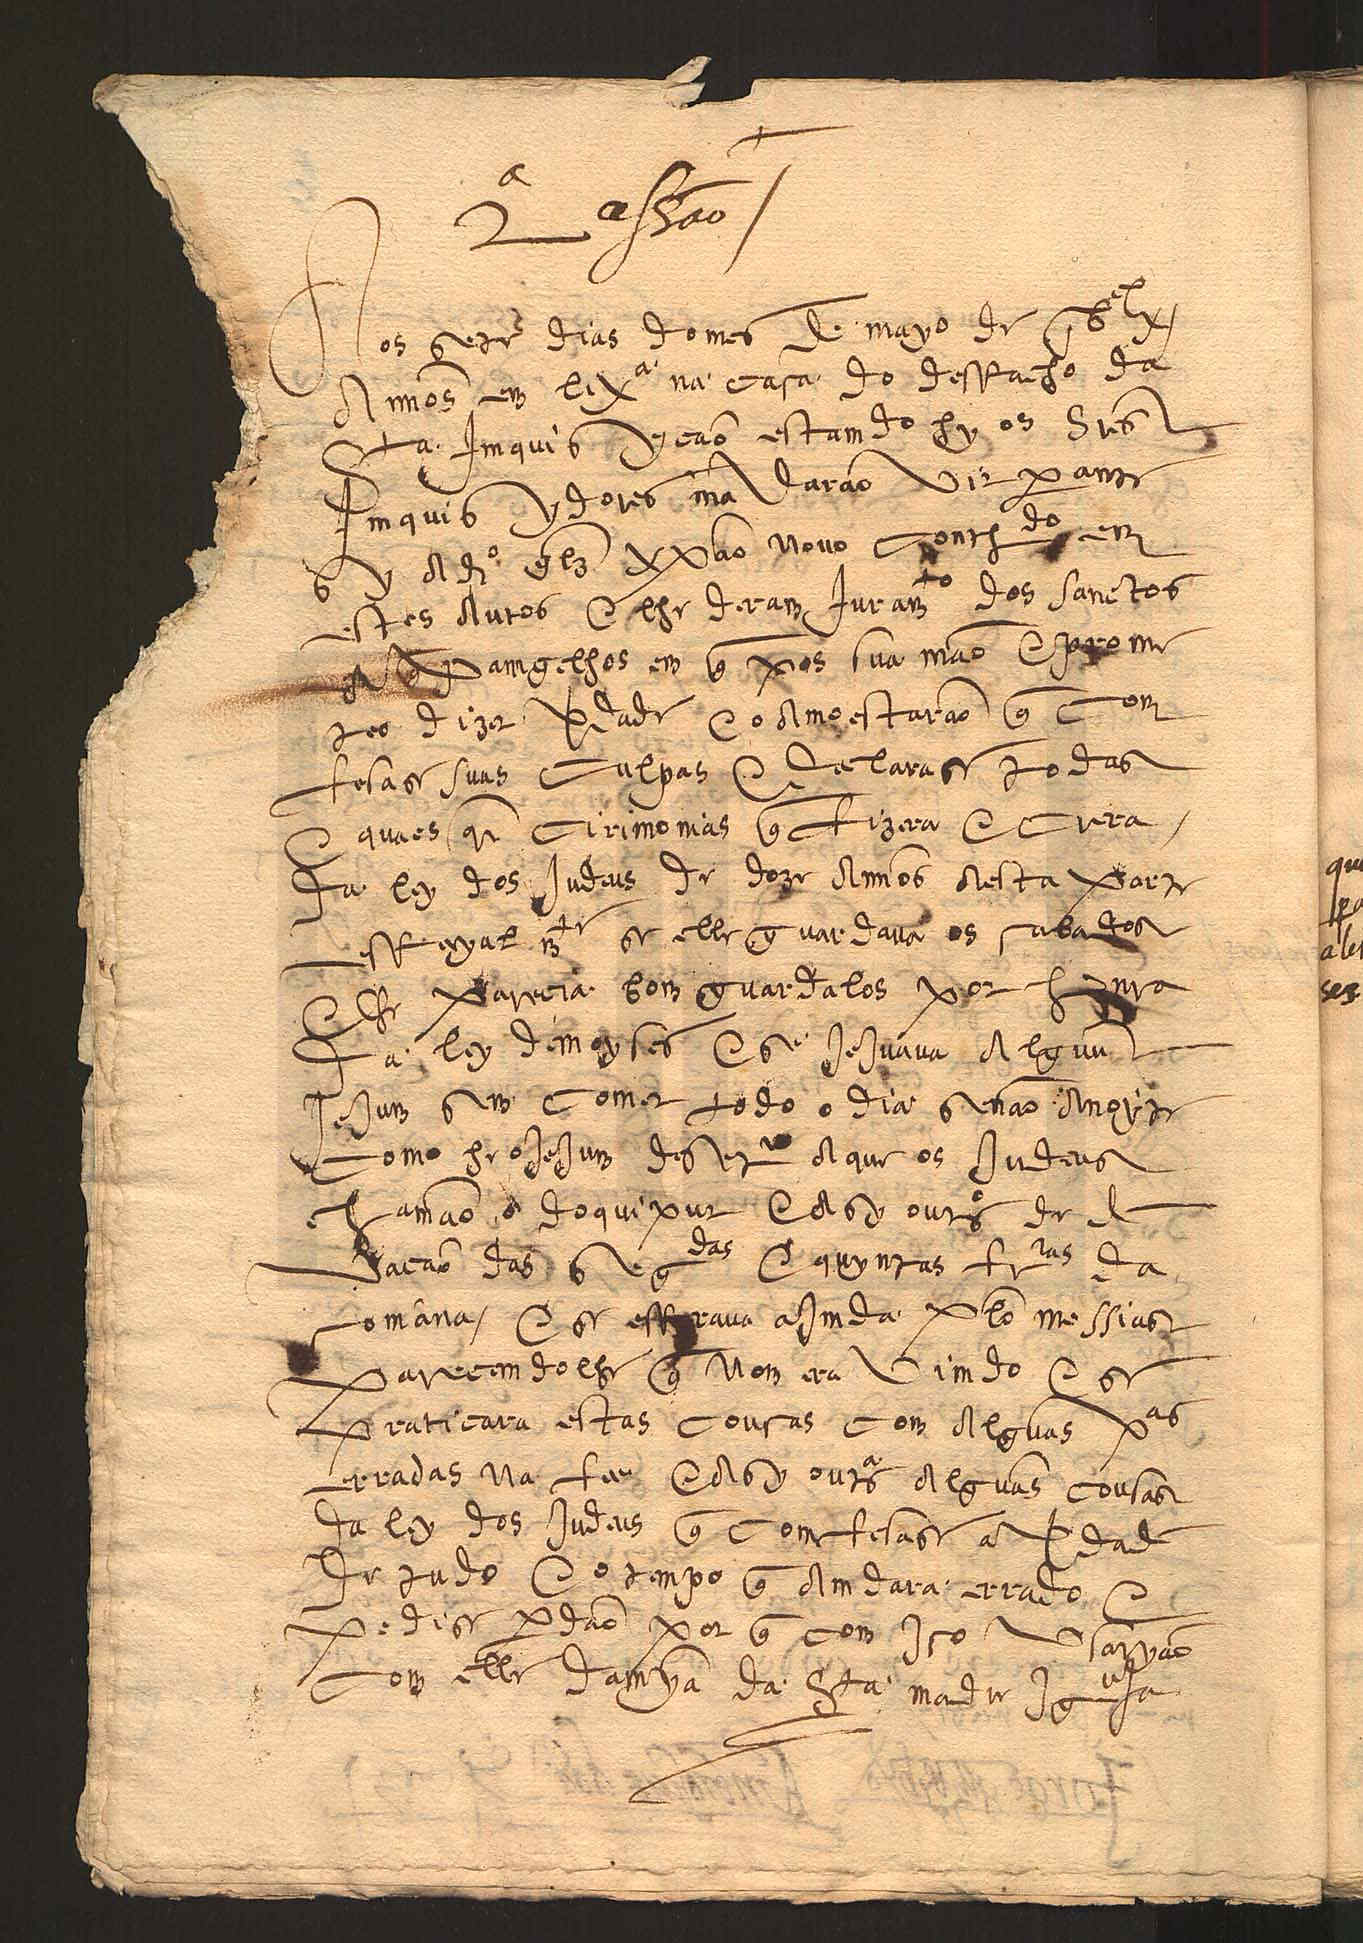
2a cessão
Aos sete dias do mes de mayo de j̄ bc lxj
Annōs em lixa na casa do despacho da
Sta Jmquisyçaõ estamdo hy os Sr̄es
Jmquisydores mādarão vir ꝑante
sy A do ḡlz xpão nouo conthdo em
estes Autos e lhe deram Juramto dos Sanctos
Avamgelhos em q̄ pos sua mão e prome
teo dizer ꝟdade e o Amoestarão q̄ com
fesase suas Culpas e declarase todas
e quaesq̄r cirimonias q̄ fizera e Crera/
da ley dos Judeus de doze Annōs A esta parte
especyalmte se elle guardaua os sabados
e lhe parecia bom guardalos por honra
da ley de moyses e se JeJuaua Algūu
JeJum sem comer todo o dia senão A noyte
Como he o JeJum de setro A que os Judeus
chamão do quipur e Asy outros de de
vaçaõ das segdas e quyntas feras da
somana / e se esperaua aJmda pl̄o messias
parecemdolhe q̄ nom era vimdo e se
praticaua estas cousas com algūas pas
erradas na fee e Asy outas Alguās cousas
da ley dos Judeus q̄ comfesase a ꝟdade
de tudo e o tempo q̄ Amdara errado e
pedise ꝑdão porq̄ com Jso vsaryão
com elle da mȳa da Sta madre JḡJa
